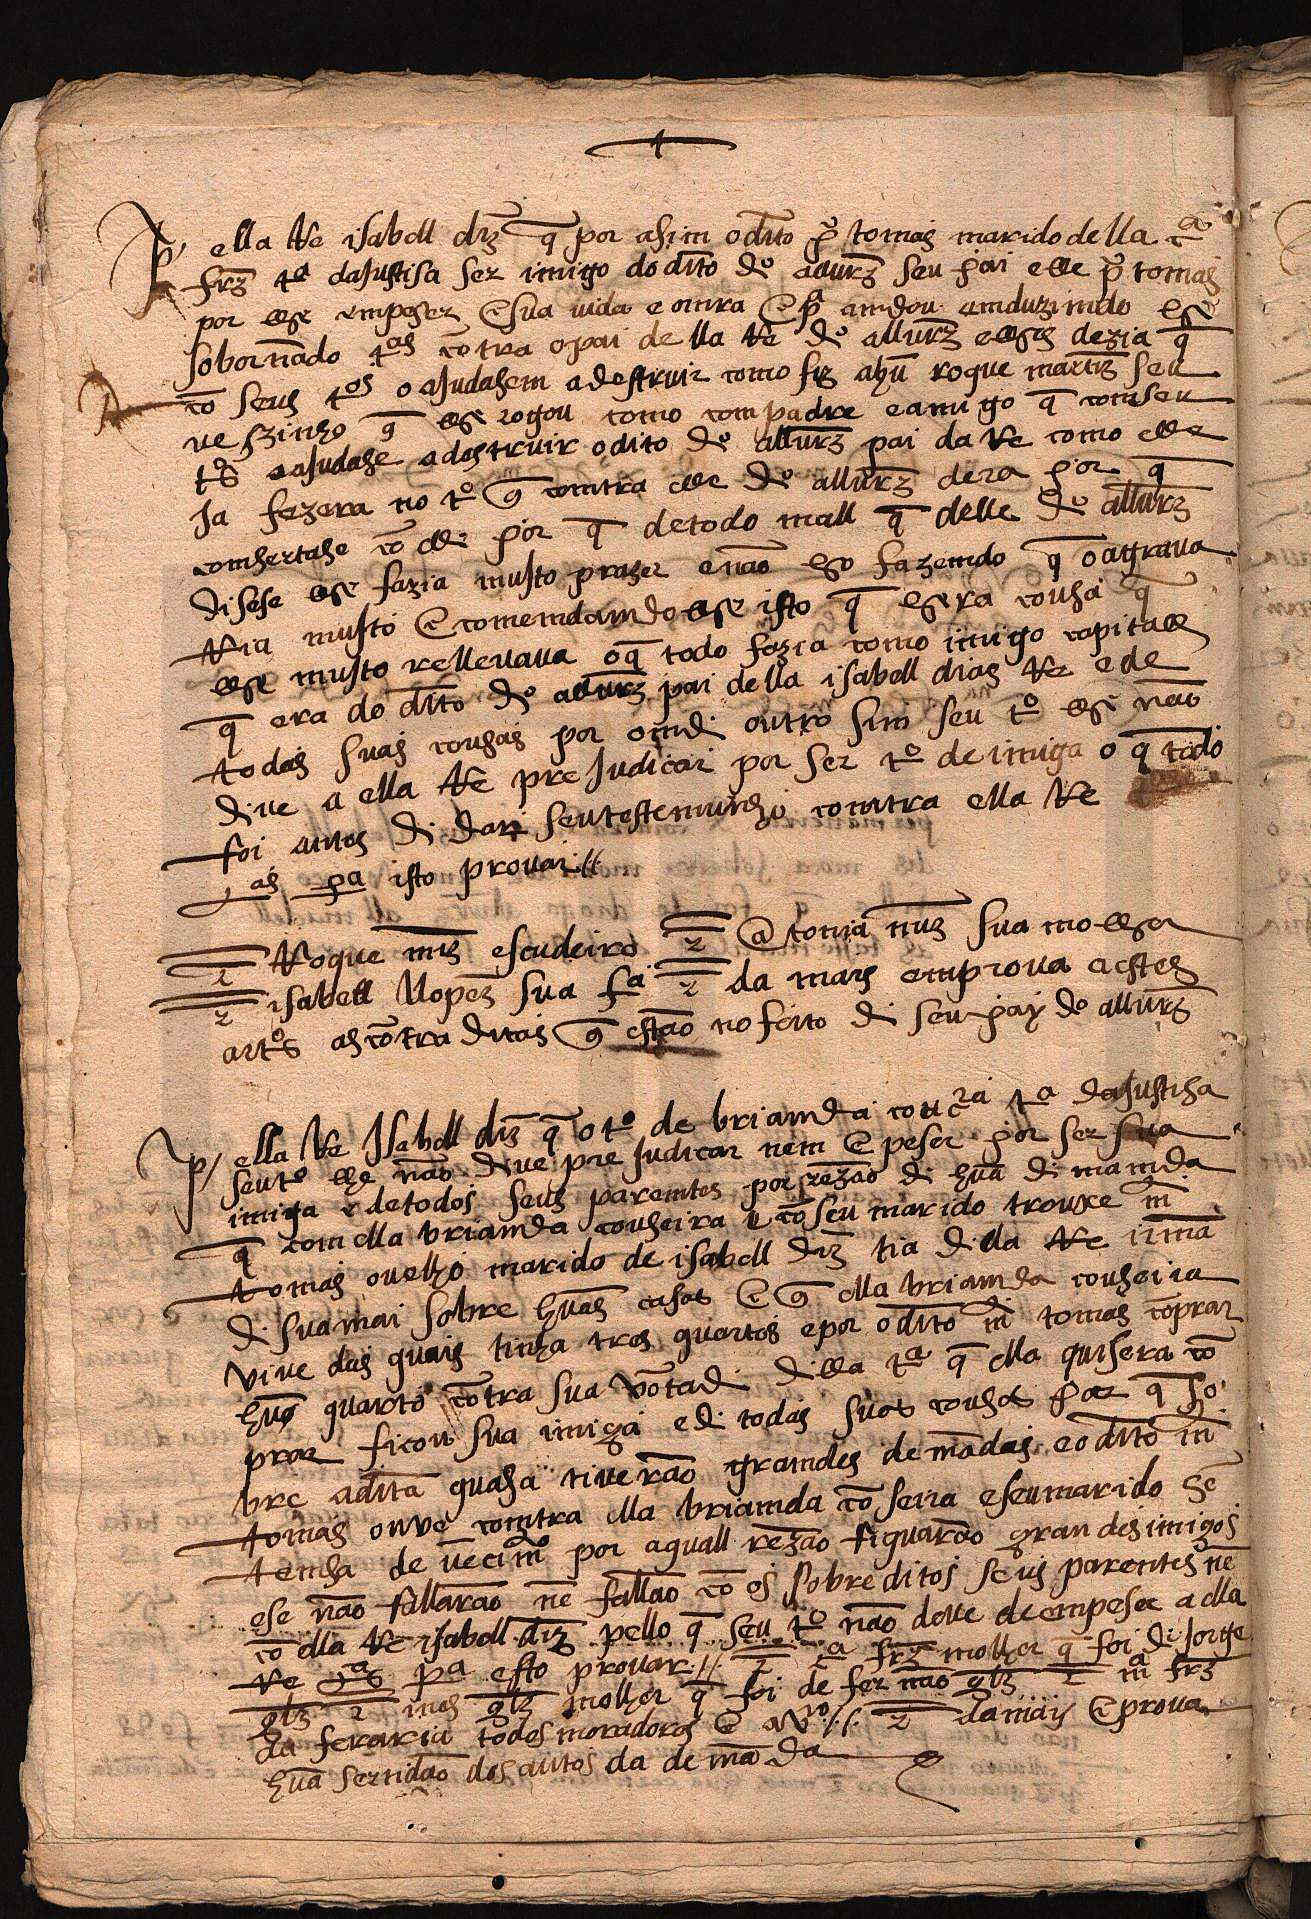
P ella Re isabell dīz q̄ por asim o dito po tomas marido della ca
fr̄z ta da Justisa ser imigo do dito dio allur̄z seu pai elle po tomas
por lhe empeser ē sua uida e omra ē pa amdou emduzimdo he
soborn̄ado tas c̄otra o pai della Re dio allur̄z e lhes dezia q̄
c̄o seus tos o aJudasem a destruir como fez a hū roque mar̄tiz seu
ueszinho q̄ lhe rogou como compadre e amigo q̄ com seu
tos o aJudase a destruir o dito dio allūrz pai da Re como elle
Ja fezera no to q̄ comtra elle dio allūrz dera por q̄
comsertase c̄o elle por q̄ de todo mall q̄ delle dio āllurz
disese lhe fazia muJto prazer e não ho fazemdo q̄ o agraua
Ria mJto ēcomemdamdolhe isto q̄ hera cousa q̄
lhe muJto relleuaua o q̄ todo fazia como imigo capitall
q̄ era do dito dio all̄urz pai della isabell dias Re e de
todas suas cousas por omde outro sim seu to lhe não
deue a ella Re preJudicar por ser to de imiga o q̄ todo
foi antes de dar seu testemunho comtra ella Re
tas ꝑa isto prouar /./.
item Roque m̄iz escudeiro item ātonia m̄iz sua molher
item isabell llopez sua fa item da mais em proua a estes
artos as c̄otraditas q̄ estão no feito de seu pay do allur̄z
P/ ella Re Jsabell dīz q̄ o to de briamda coucra ta da Justisa
seu to lhe não deue preJudicar nem ēpeser por ser sua
imiga e de todos seus paremtes por rezão de hūa demamda
q̄ com ella briamda couseira e c̄o seu marido trouxe mte
tomas o uelho marido de isabell dīz tia della Re irmā
de sua mai sobre hūas casas ē q̄ ella briamda couseira
viue das quais tinha tres quartos e por o dito mte tomas c̄oprar
hūo quarto c̄otra sua vōtade della ta q̄ ella quisera c̄o
prar ficou sua imiga e de todas suas cousas porq̄ so
bre a dita quasa tiuerão gramdes dem̄adas e o dito mte
tomas ouve comtra ella briamda c̄oseira e seu marido sē
temsa de ūecimto por a quall rezão fiquarão grandes imigos
e se não fallarão n̄e fallão c̄o os sobreditos seus parentes n̄e
c̄o ella Re isabell d̄iz pello q̄ seu to não deue de empeser a ella
Re tas ꝑa esto prouar .//. item ca fr̄z molher q̄ foi de Jorge
ḡlz item ines ḡlz molher q̄ foi de fernão ḡlz item ma fr̄z
da feraria todos moradores ē avro././. item da mais ē proua
hūa sertidão dos autos da dem̄ada
